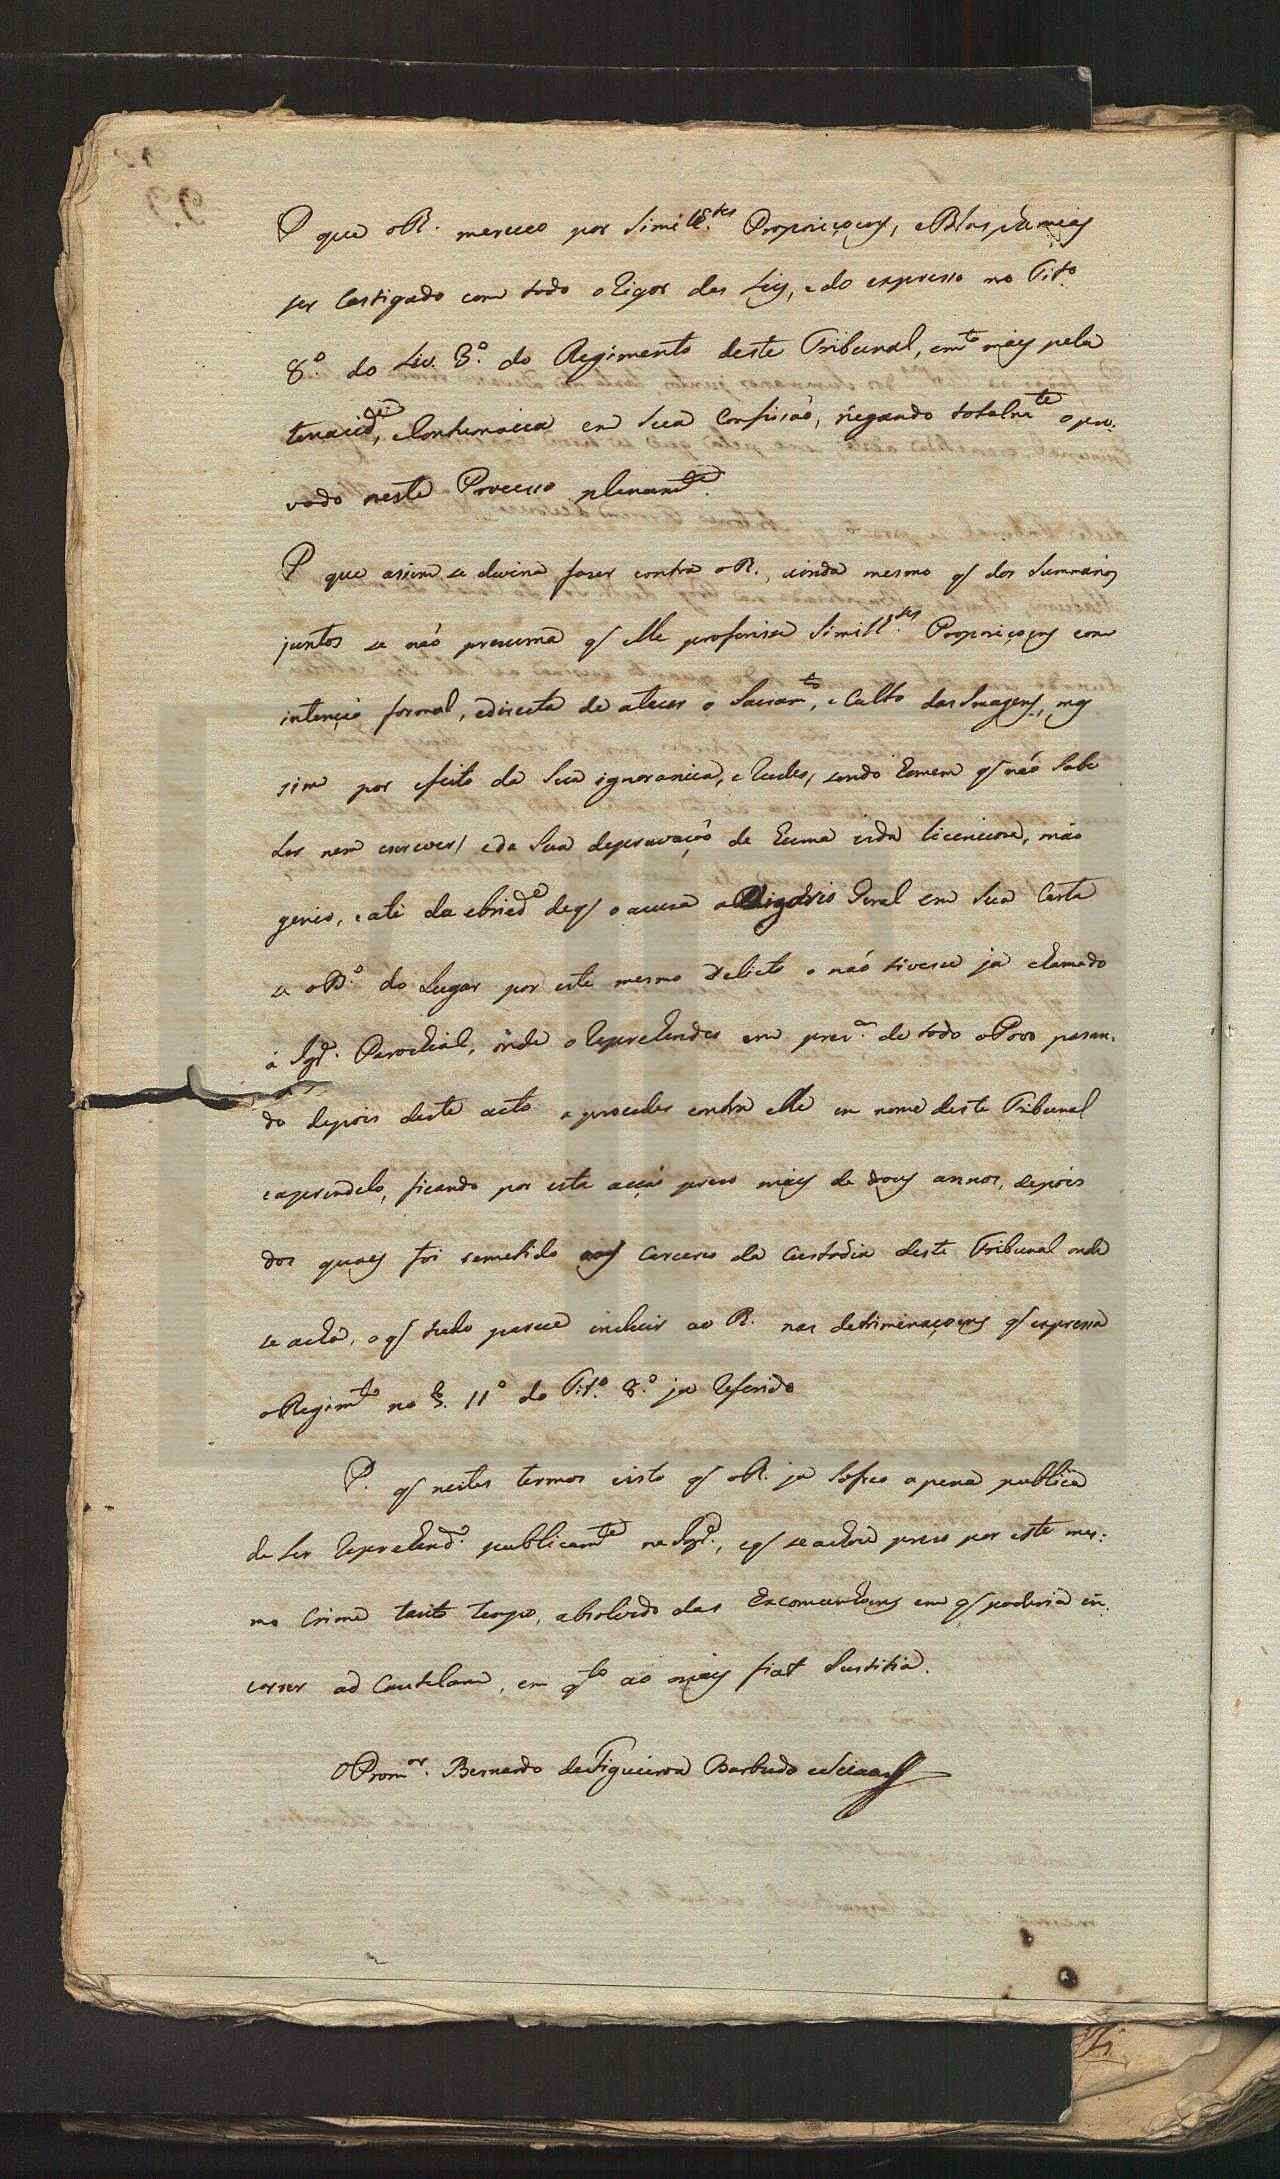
P que o R. mereceo por similh.tes Propoziçoens, e Blasphemeas
ser castigado com todo o Rigor das Leis, e do expresso no Tit.o
8.o do Liv. 3.o do Regimento deste Tribunal, e m.to mais pela
tenacid.e, e Contumacia em sua Confissaõ, negando totalm.te o pro
vado neste Processo plenam.te.
P que assim se deveria fazer contra o R., ainda mesmo q̄ dos Summarios
juntos se naõ presuma q̄ elle proferira Similh.tes Propoziçoens com
intençaõ formal, e directa de atacar o Sacram.to, e Culto das Imagens, mas
sim por efeito da sua ignorancia, e Rudes, sendo homem q̄ naõ sabe
ler nem escrever/ e da Sua depravaçaõ de huma vida licencioza, máo
genio, e até da ebried.e de q̄ o acuza o Vigario Geral em Sua Carta
ao B.o do Lugar por este mesmo Delicto o naõ tivesse ja chamado
á Igr.a Parochial, onde o Reprehendeo em prez.a de todo o Povo pasan
do depois deste acto a proceder contra elle em nome deste Tribunal
e a prendelo, ficando por esta acçaõ preso mais de dous annos, depois
dos quaes foi remetido aos carceres da custodia deste Tribunal onde
se acha, o q̄ tudo parece incluir ao R. nas detriminaçoens q̄ expressa
o Regim.to no §. 11.o do Tit.o 8.o ja Referido
P. q̄ nestes termos visto q̄ o R. ja sofreo a pena publica
de ser Reprehend.o publicam.te na Igr.a, e q̄ se achou prezo por este mes
mo crime tanto tempo, absolvido das Excomunhoens em q̄ poderia in
correr ad cautelam, em q.to ao mais fiat Iustitia.
O Prom.or Bernardo de Figueiroa Barbudo e Seixas
